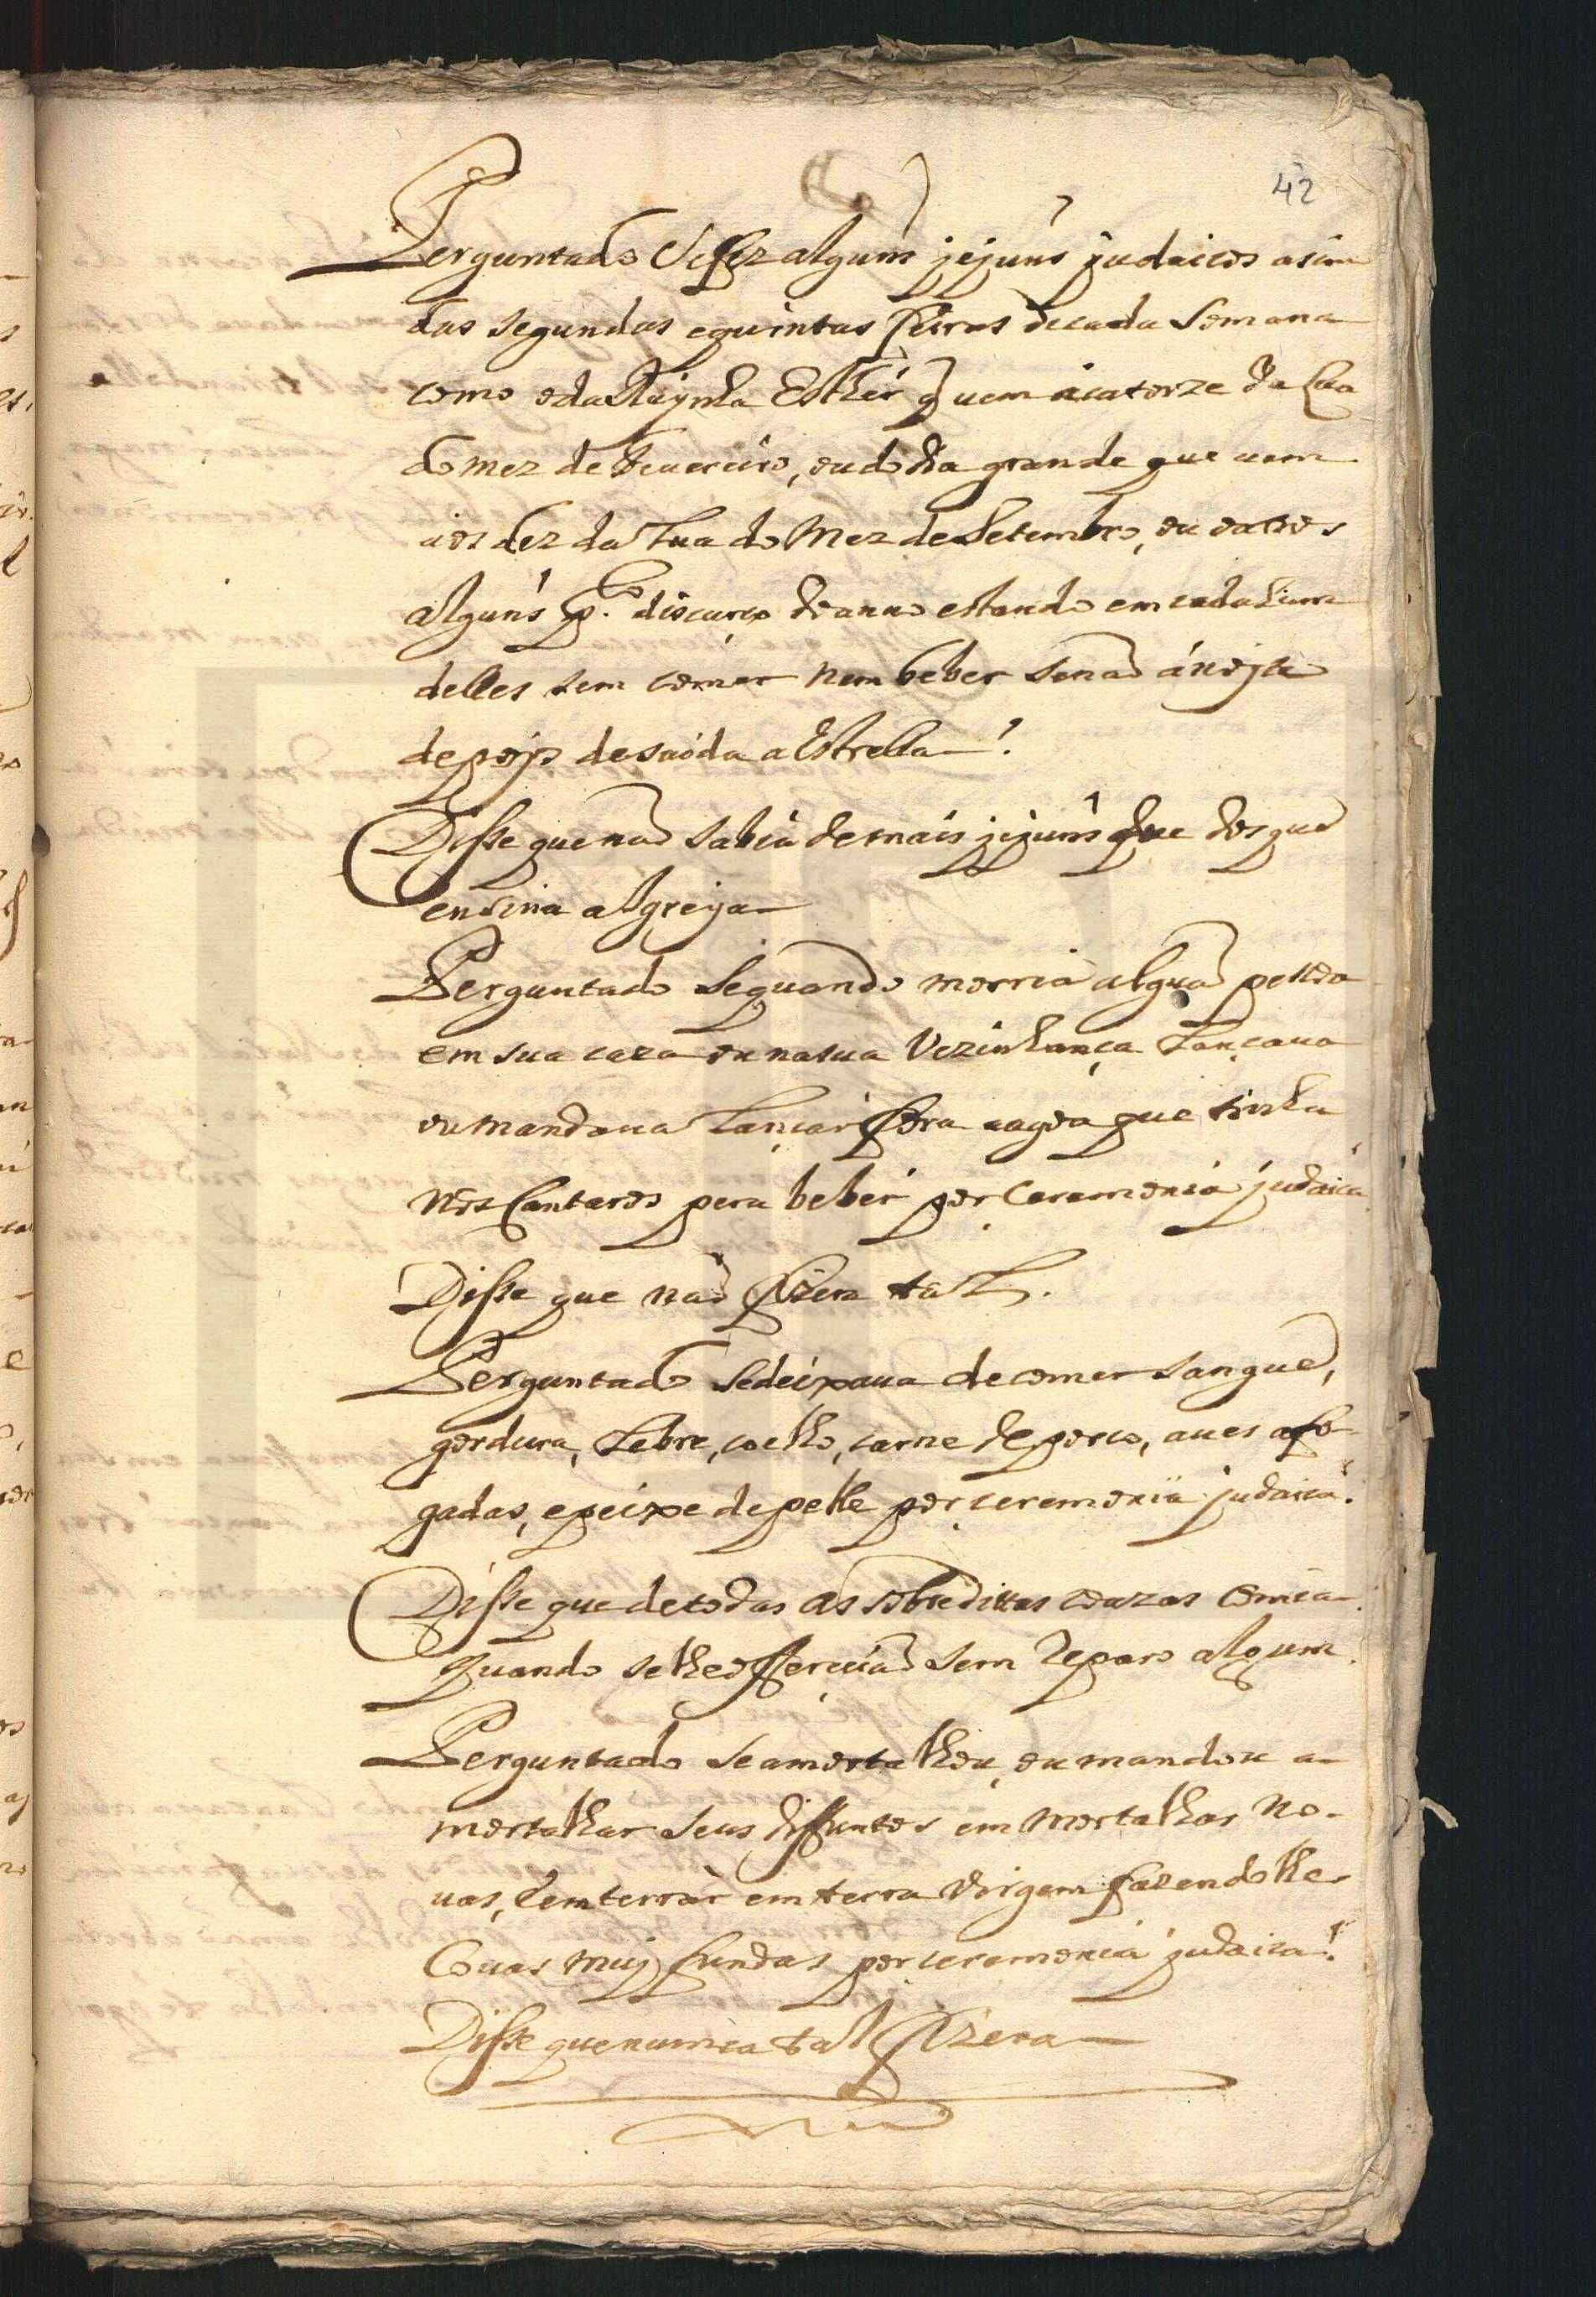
Perguntado se fez algum̄ jejun̄s judaicos asim
das segundas e quintas feiras de cada Somana
como o da Raynha Esthér q̄ uem a catorze da Lua
do mez de Feuereiro, ou do dia grande que uem
aos dez da lua do Mez de Setembro, ou outros
algun̄s p.lo discurço do anno estando em cada hum
delles sem comer nem beber senaõ á noyte
depoiys de saida a Estrella-?
Disse que naõ Sabia de mais jejun̄s que dos que
ensina a Jgreya
Perguntado se quando morria alguā pessoa
em sua caza ou na sua Vezinhança lançaua
ou mandaua Lançar fora a agoa que tinha
nos Cantaros pera beber por ceremonia judaica
Disse que naõ fizera tal.
Perguntado se deixaua de comer sangue,
gordura, Lebre, coelho, carne de porco, aues afo
gadas, e peixe de pelle por çeremonia judaica.
Disse que de todas as sobredittas couzas comia
quando se lhe offereçiaõ sem reparo algum
Perguntado se amortalhou, ou mandar a
mortalhar seus diffuntos em mortalhas no
uas, ē emterrar em terra Virgem fazendolhe
Couas muj fundas por ceremonia judaica?
Disse que numca tal fizera
